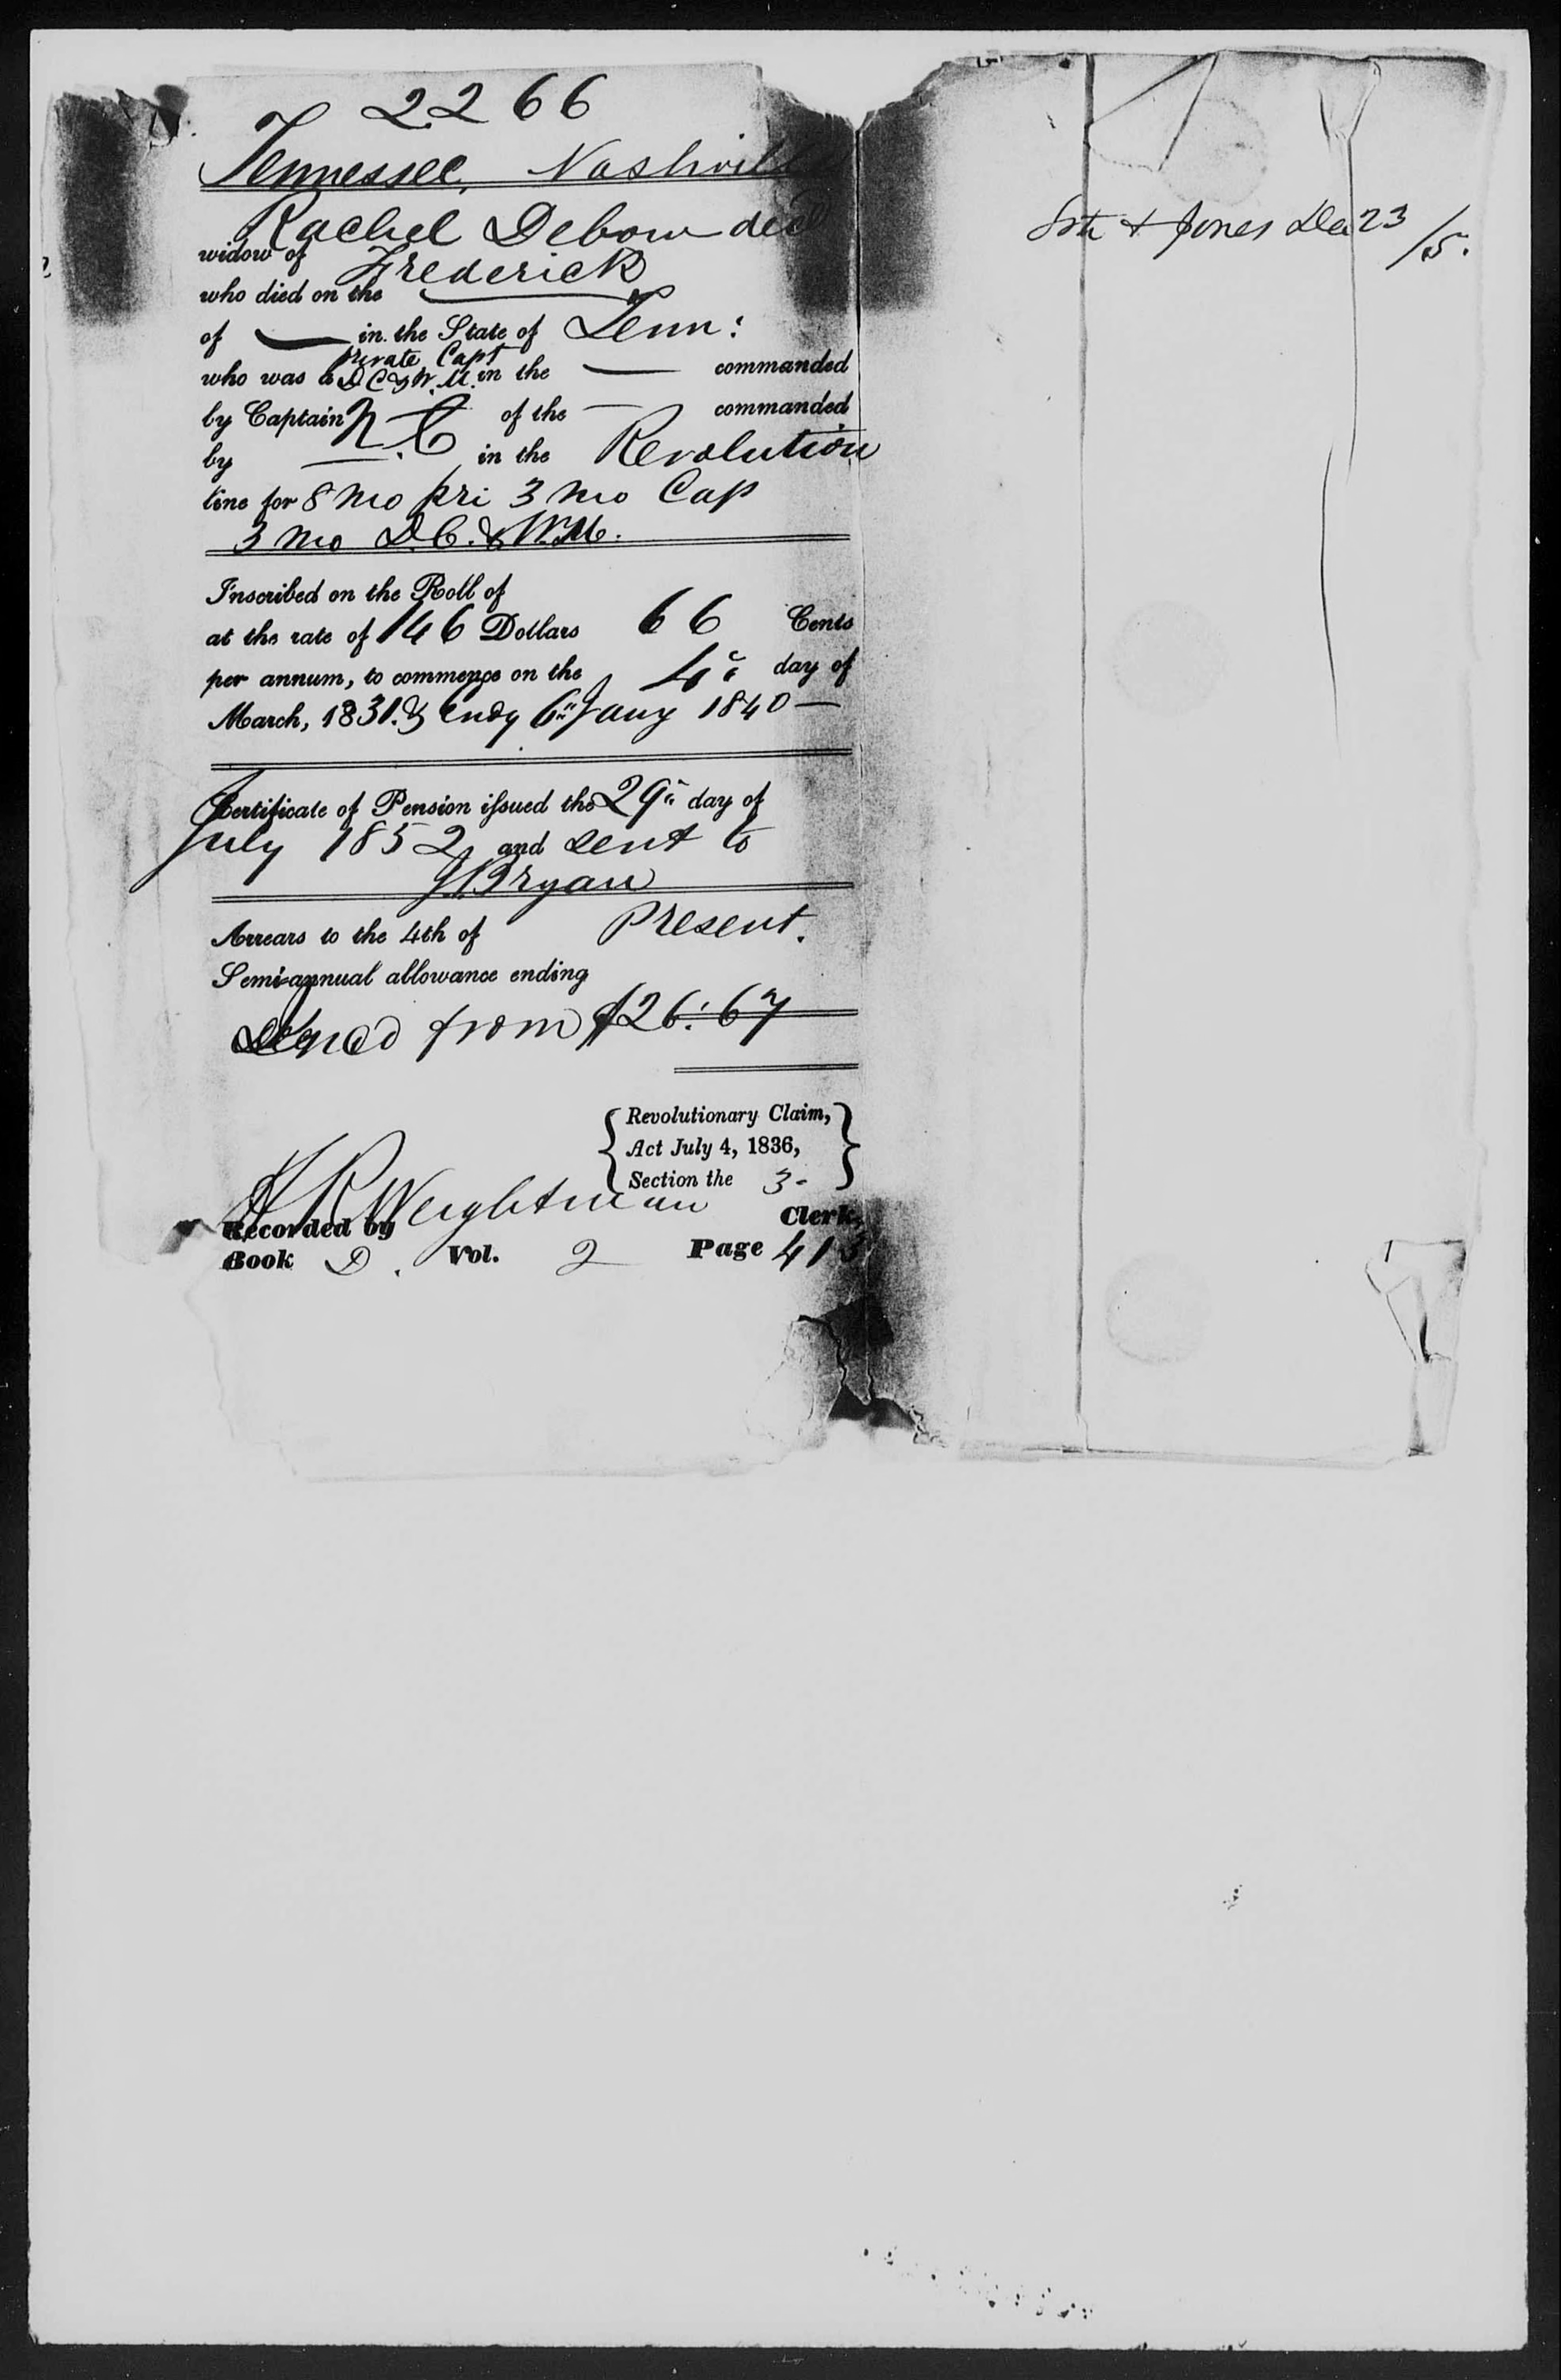Form on the left., on the right in handwriting 8th + Jones Dec 23/5.
2266
On the left: Tennessee, Nashville
Rachel Debow
Widow of Frederick
Of – in the State of Tenn:
Private Captain
Who was a DCWM   in the – commanded 
By Captain N.C. of the – commanded
By – in the Revolution
[illegible]  for 8 months [illegible]  3 months cap 
3 months DCWM
Inscribed on the Roll of
At the rate of 146 Dollars 66 Cents
Per annum to commence on the 4th day of 
March ,1831. [illegible]   by January 1840
Certificate of Pension issued the 29th day of
July 1852 and sent to J Bryan
Semi-annual allowance ending
[illegible]  from $26.67
{Revolutionary Claim,}
{Act July 4, 1836,}
Section the 3}
Recorded by HR Weightman Clerk
Book D Vol 2 Page 41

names: H R Weightman, Jones, Rachel Debow, Sote, Frederick Debow, J Bryan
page: 2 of 62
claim: widow's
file: W 7005, Frederick Debow, N.C.